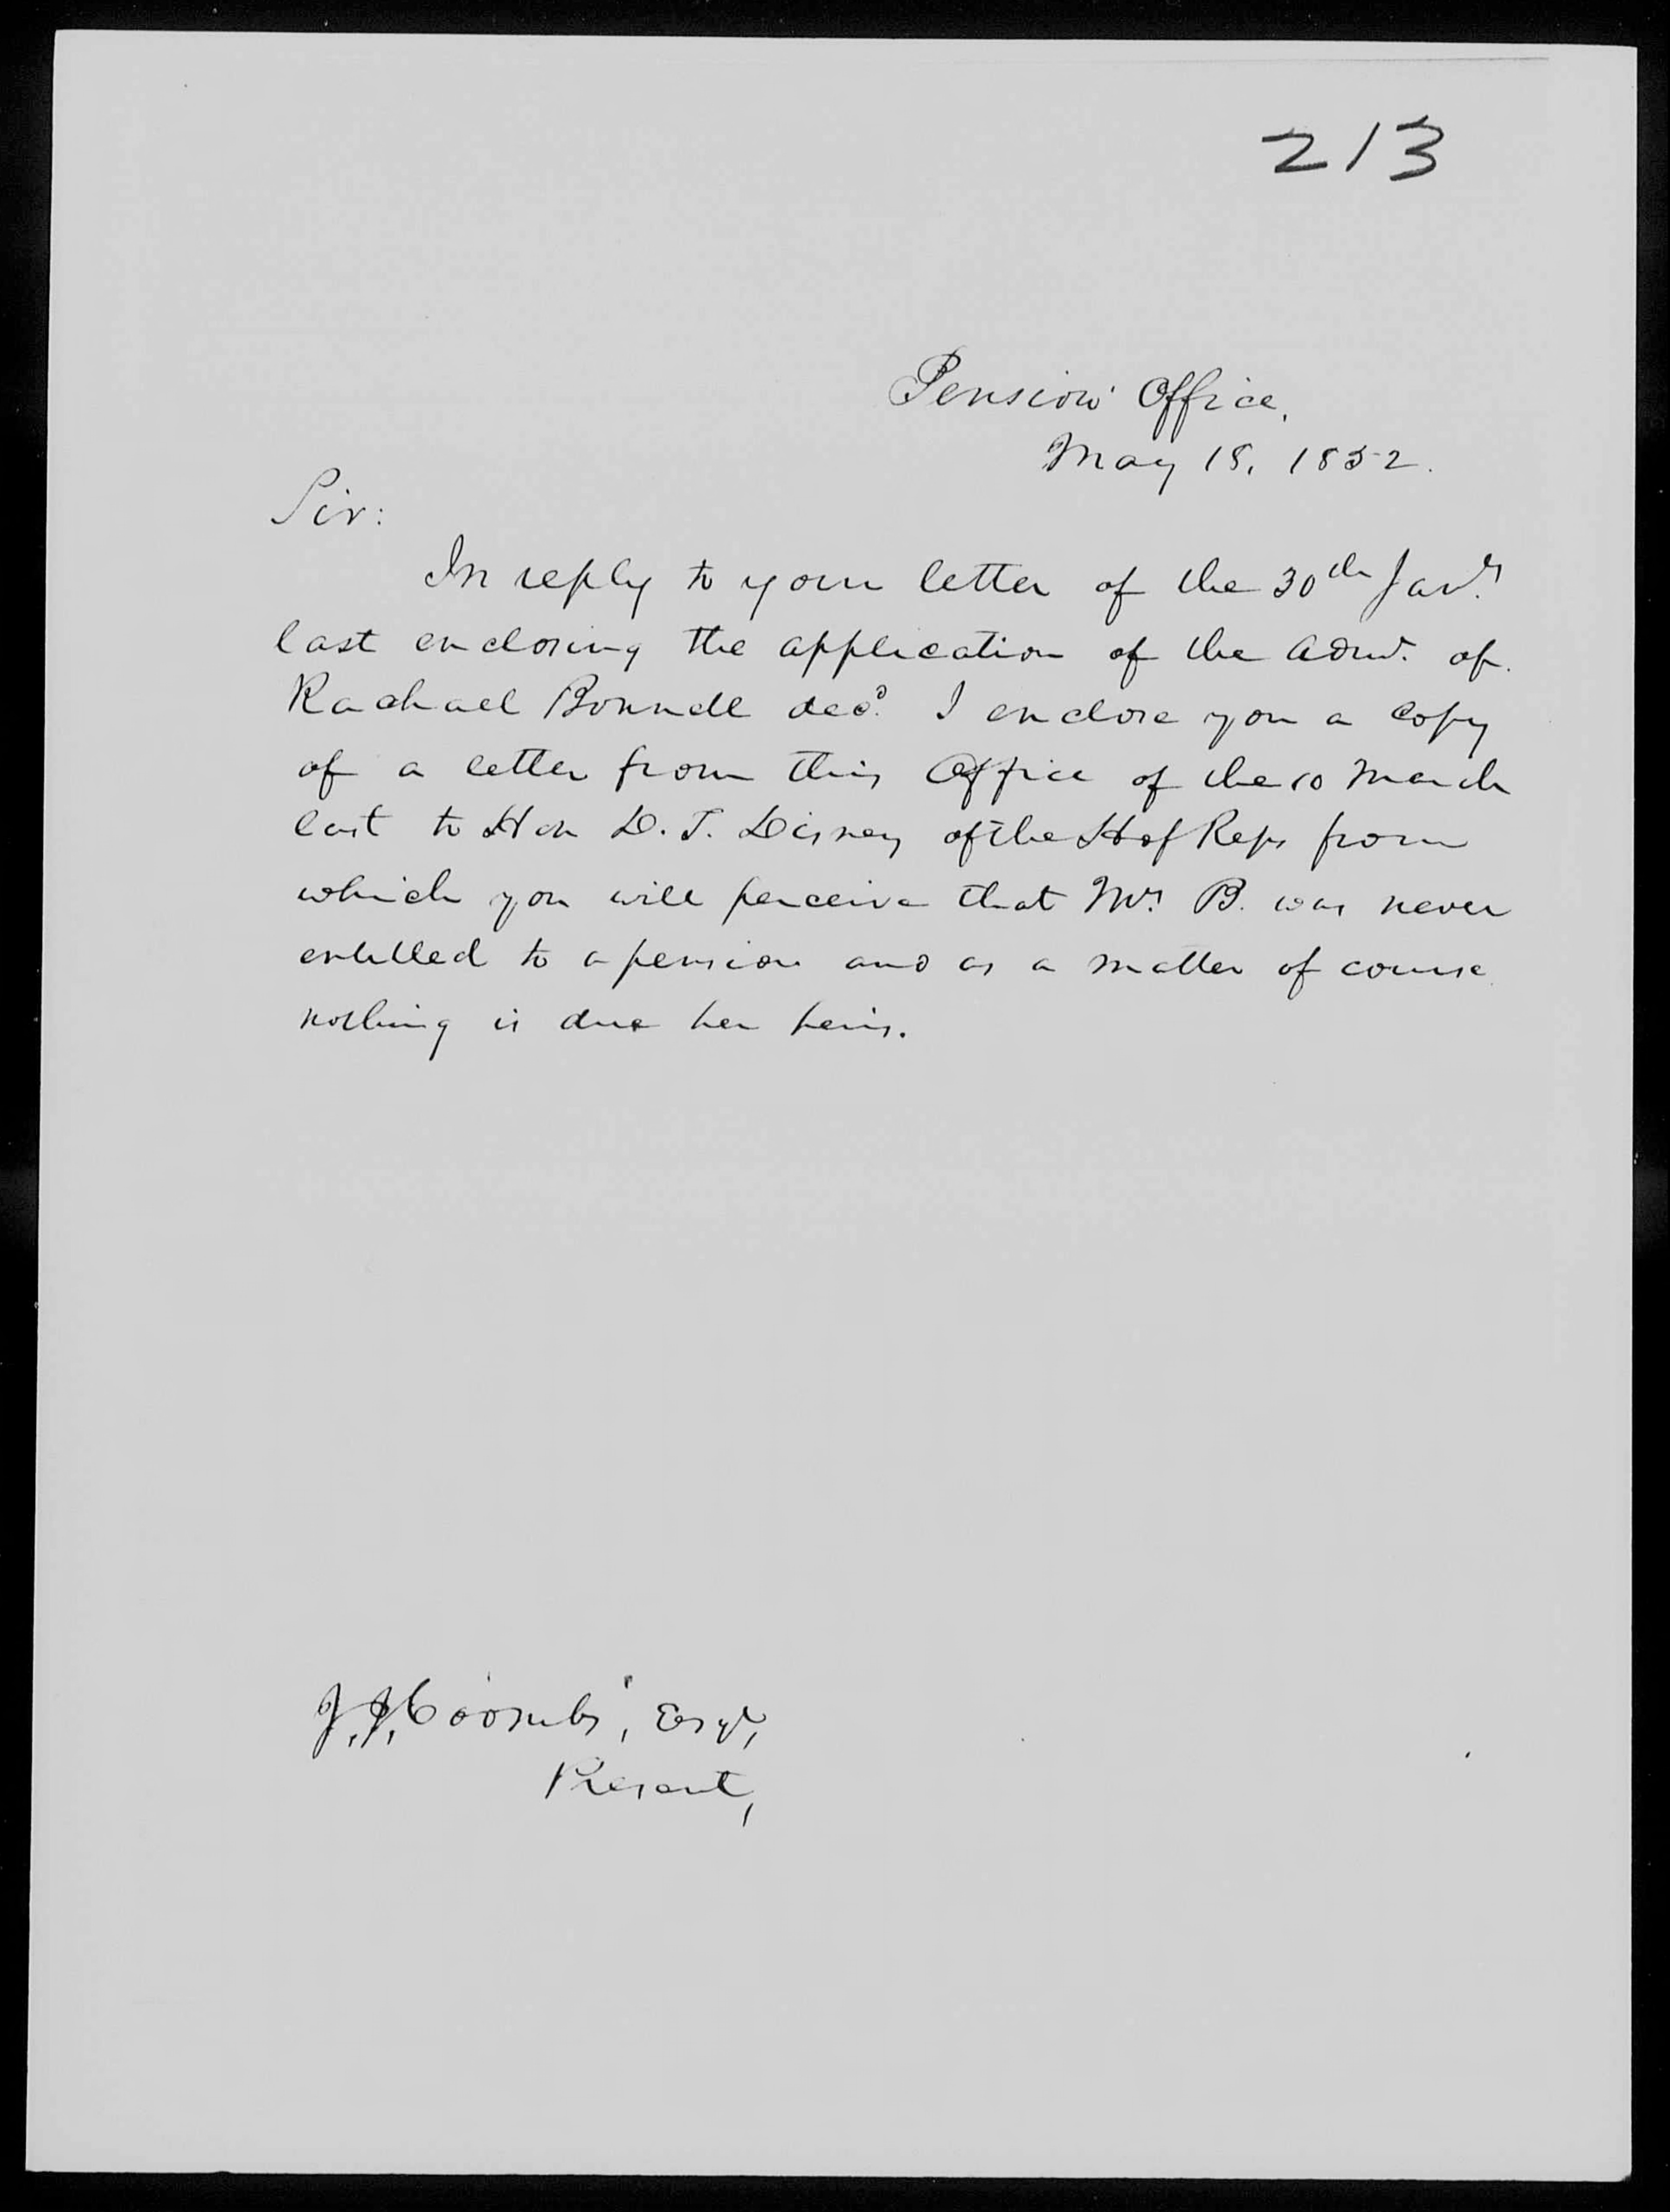213
Pension Office
May 18, 1852
Sir:
In reply to your letter of the 30th Jany last enclosing the application of the adm. of Rachael Bonnell decd I enclose you a copy of the letter from this office of the 10 March last to Hon D. T. Disney of the H of Reps from which you will perceive that Mrs. B was never entitled to a pension and as a matter of course nothing is due her heirs.

J.J. Coombs Esq.
Present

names: B, Rachael Bonnell, D T Disney, J J Coombs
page: 34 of 67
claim: rejected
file: R. 1009, Aaron Bonnel, New Jersey